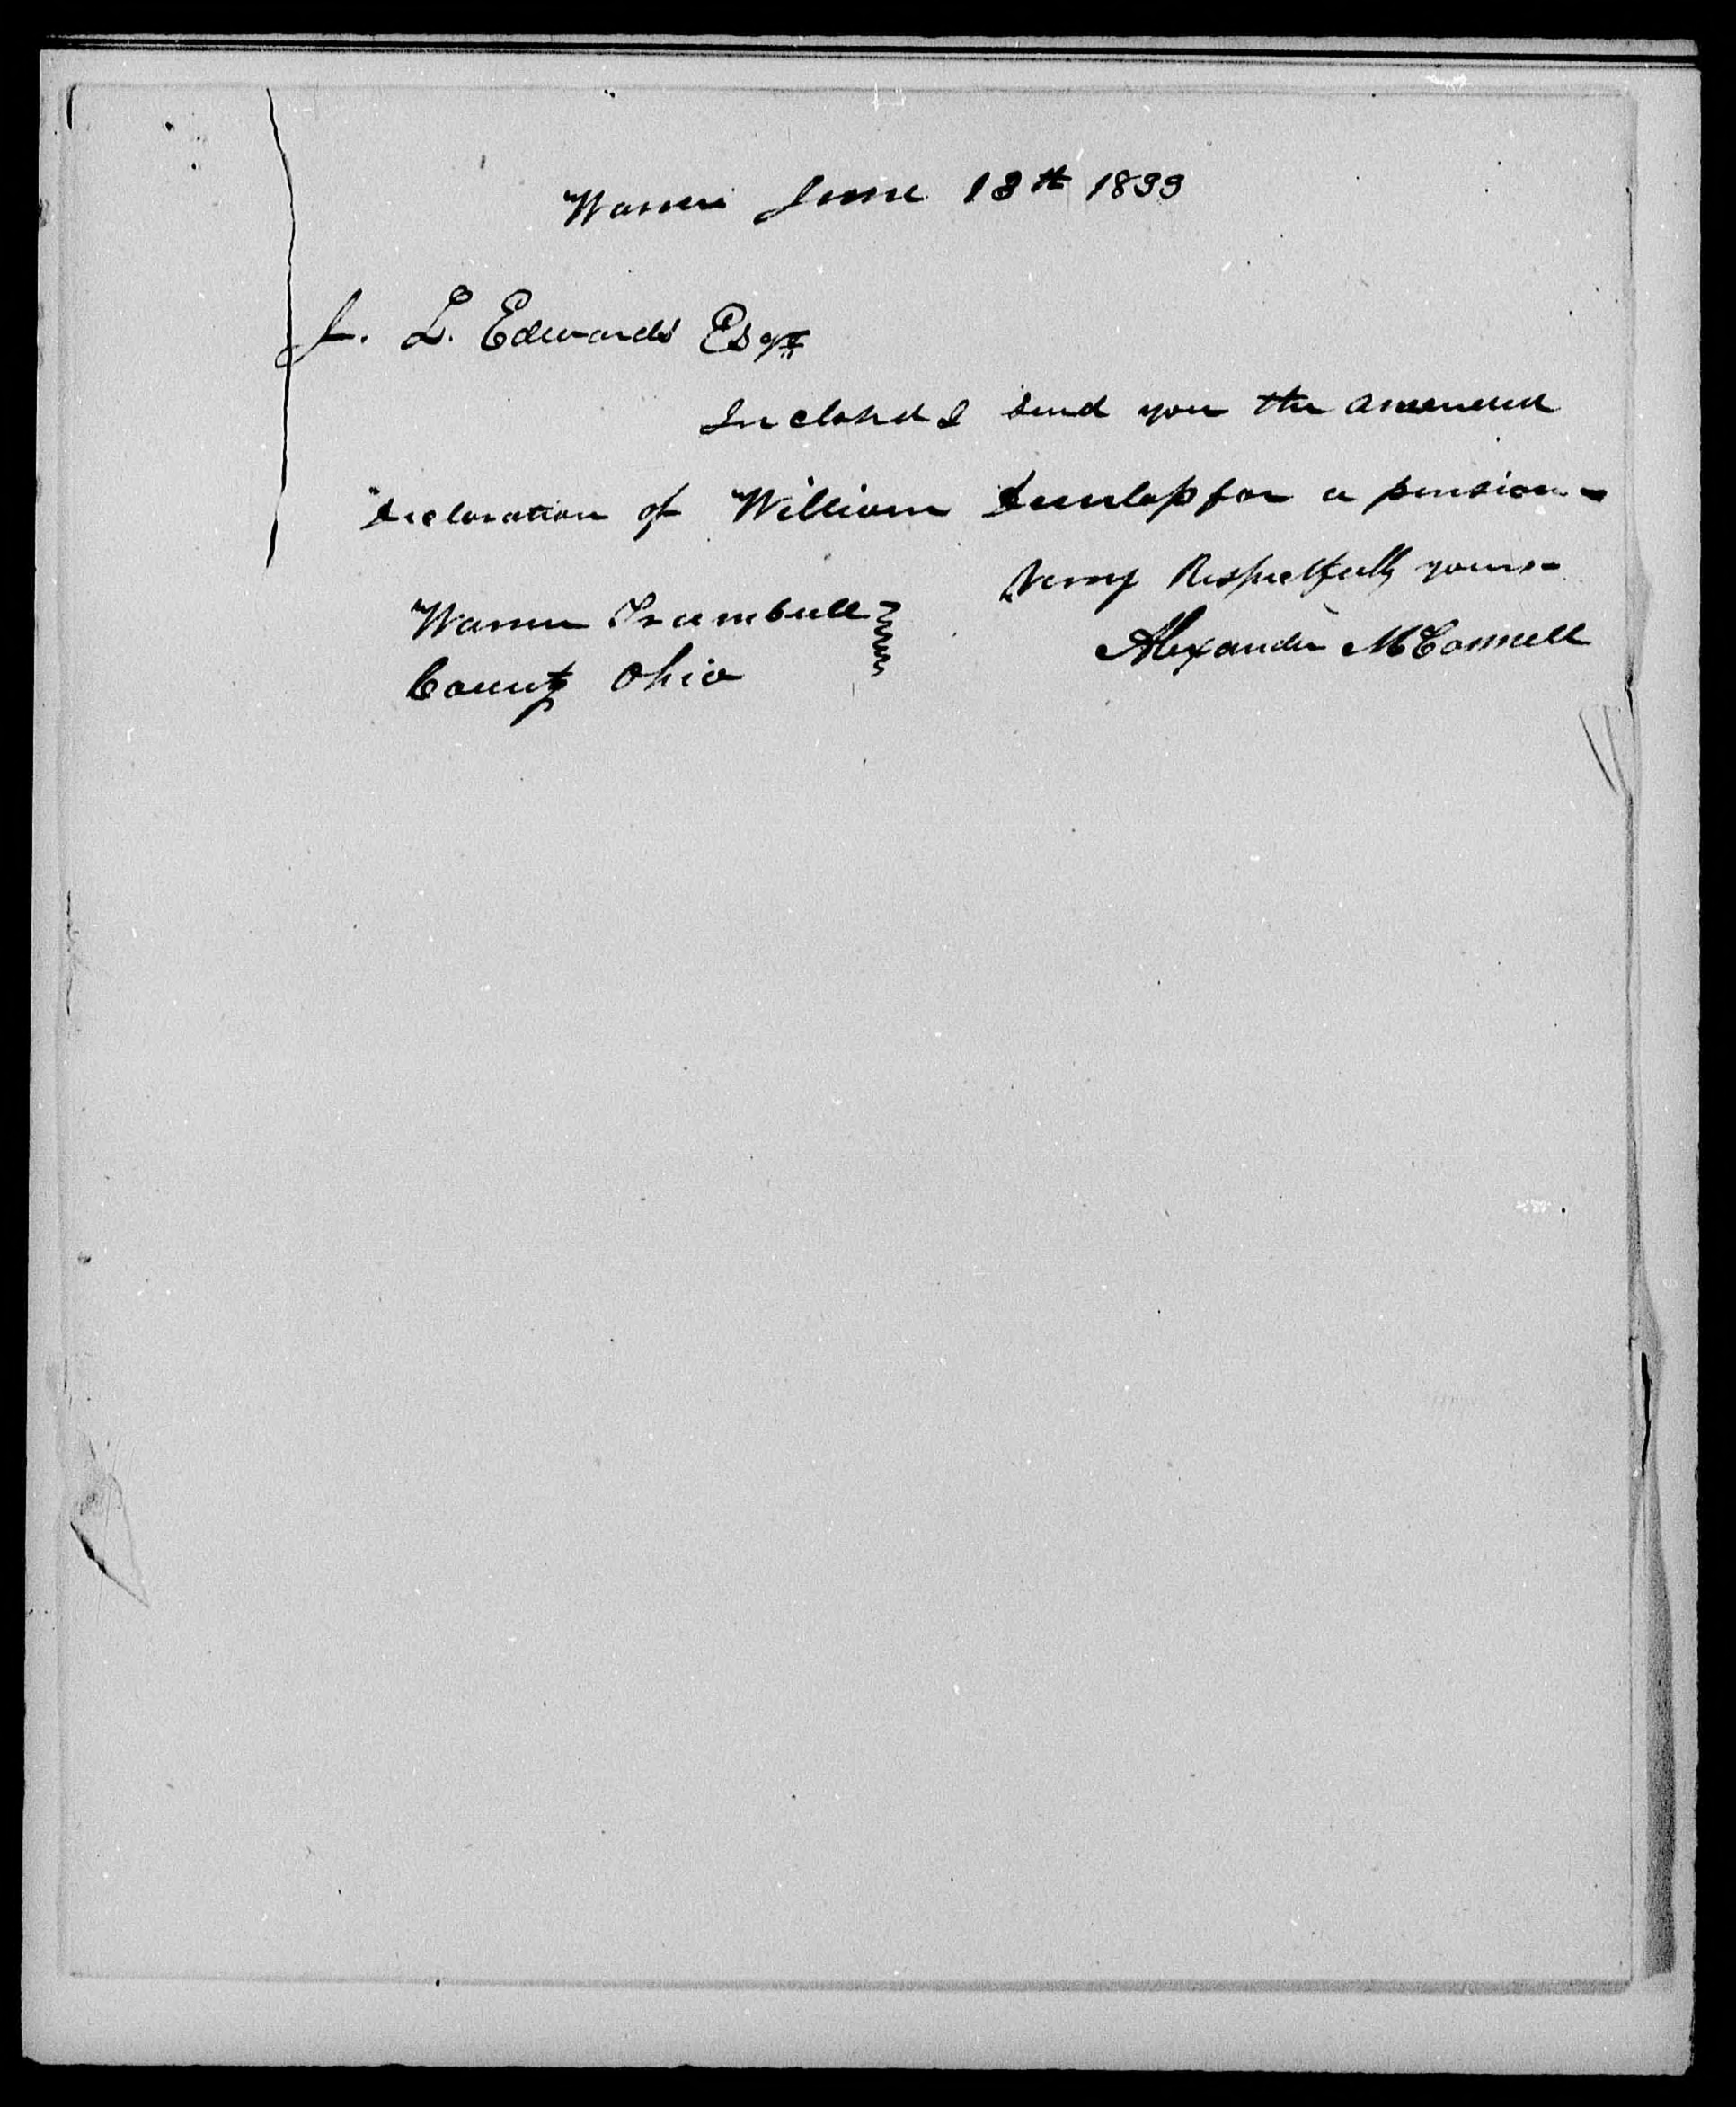[All Handwritten]
Warren June 18th 1833
J.L. Edwards Esq
Included I sent you the [illegible] declaration of William Dunlap for a pension- Very Respectfully yours - Alexander McConnell
Warren Trumbull County Ohio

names: J L Edwards, William Dunlap, Alexander Mc Connell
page: 17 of 24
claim: survivor's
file: S. 15,415, William Dunlap, Penn.